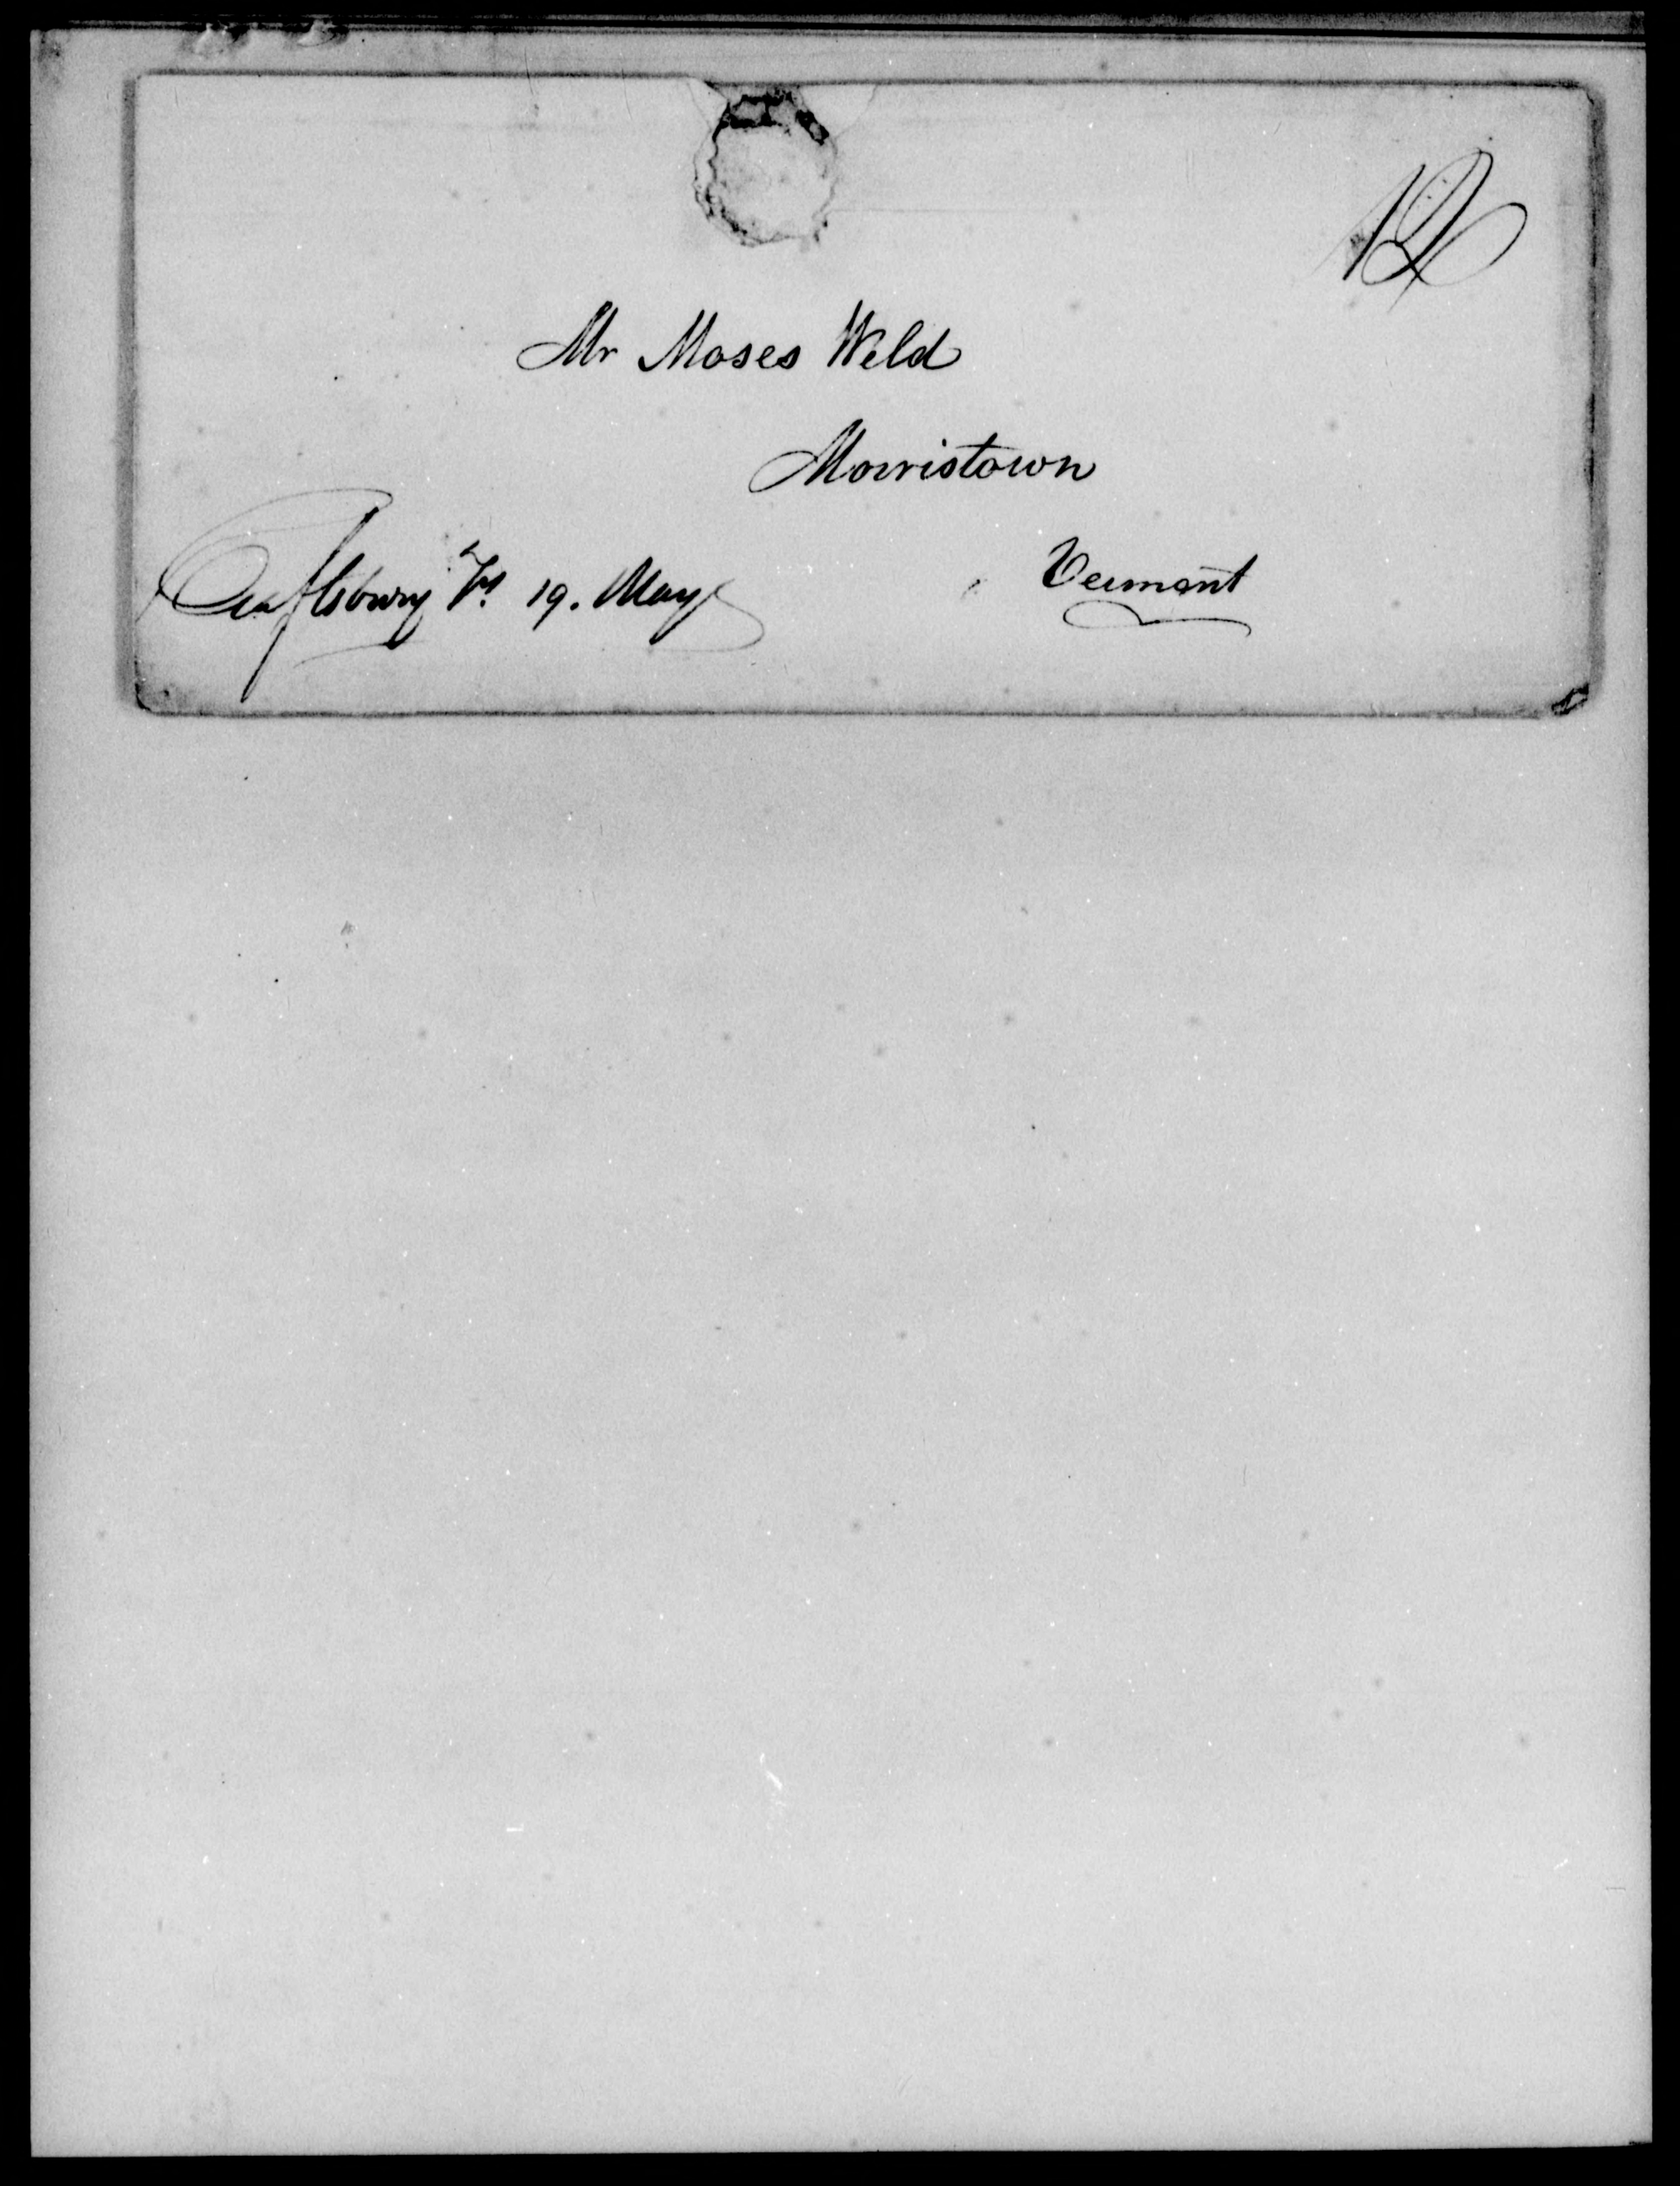Mr Moses Weld
Morristown
Vermont
Craftsburt, Vt  19 May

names: Moses Weld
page: 36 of 87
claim: widow's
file: W. 25,966, Moses Weld, Mass.